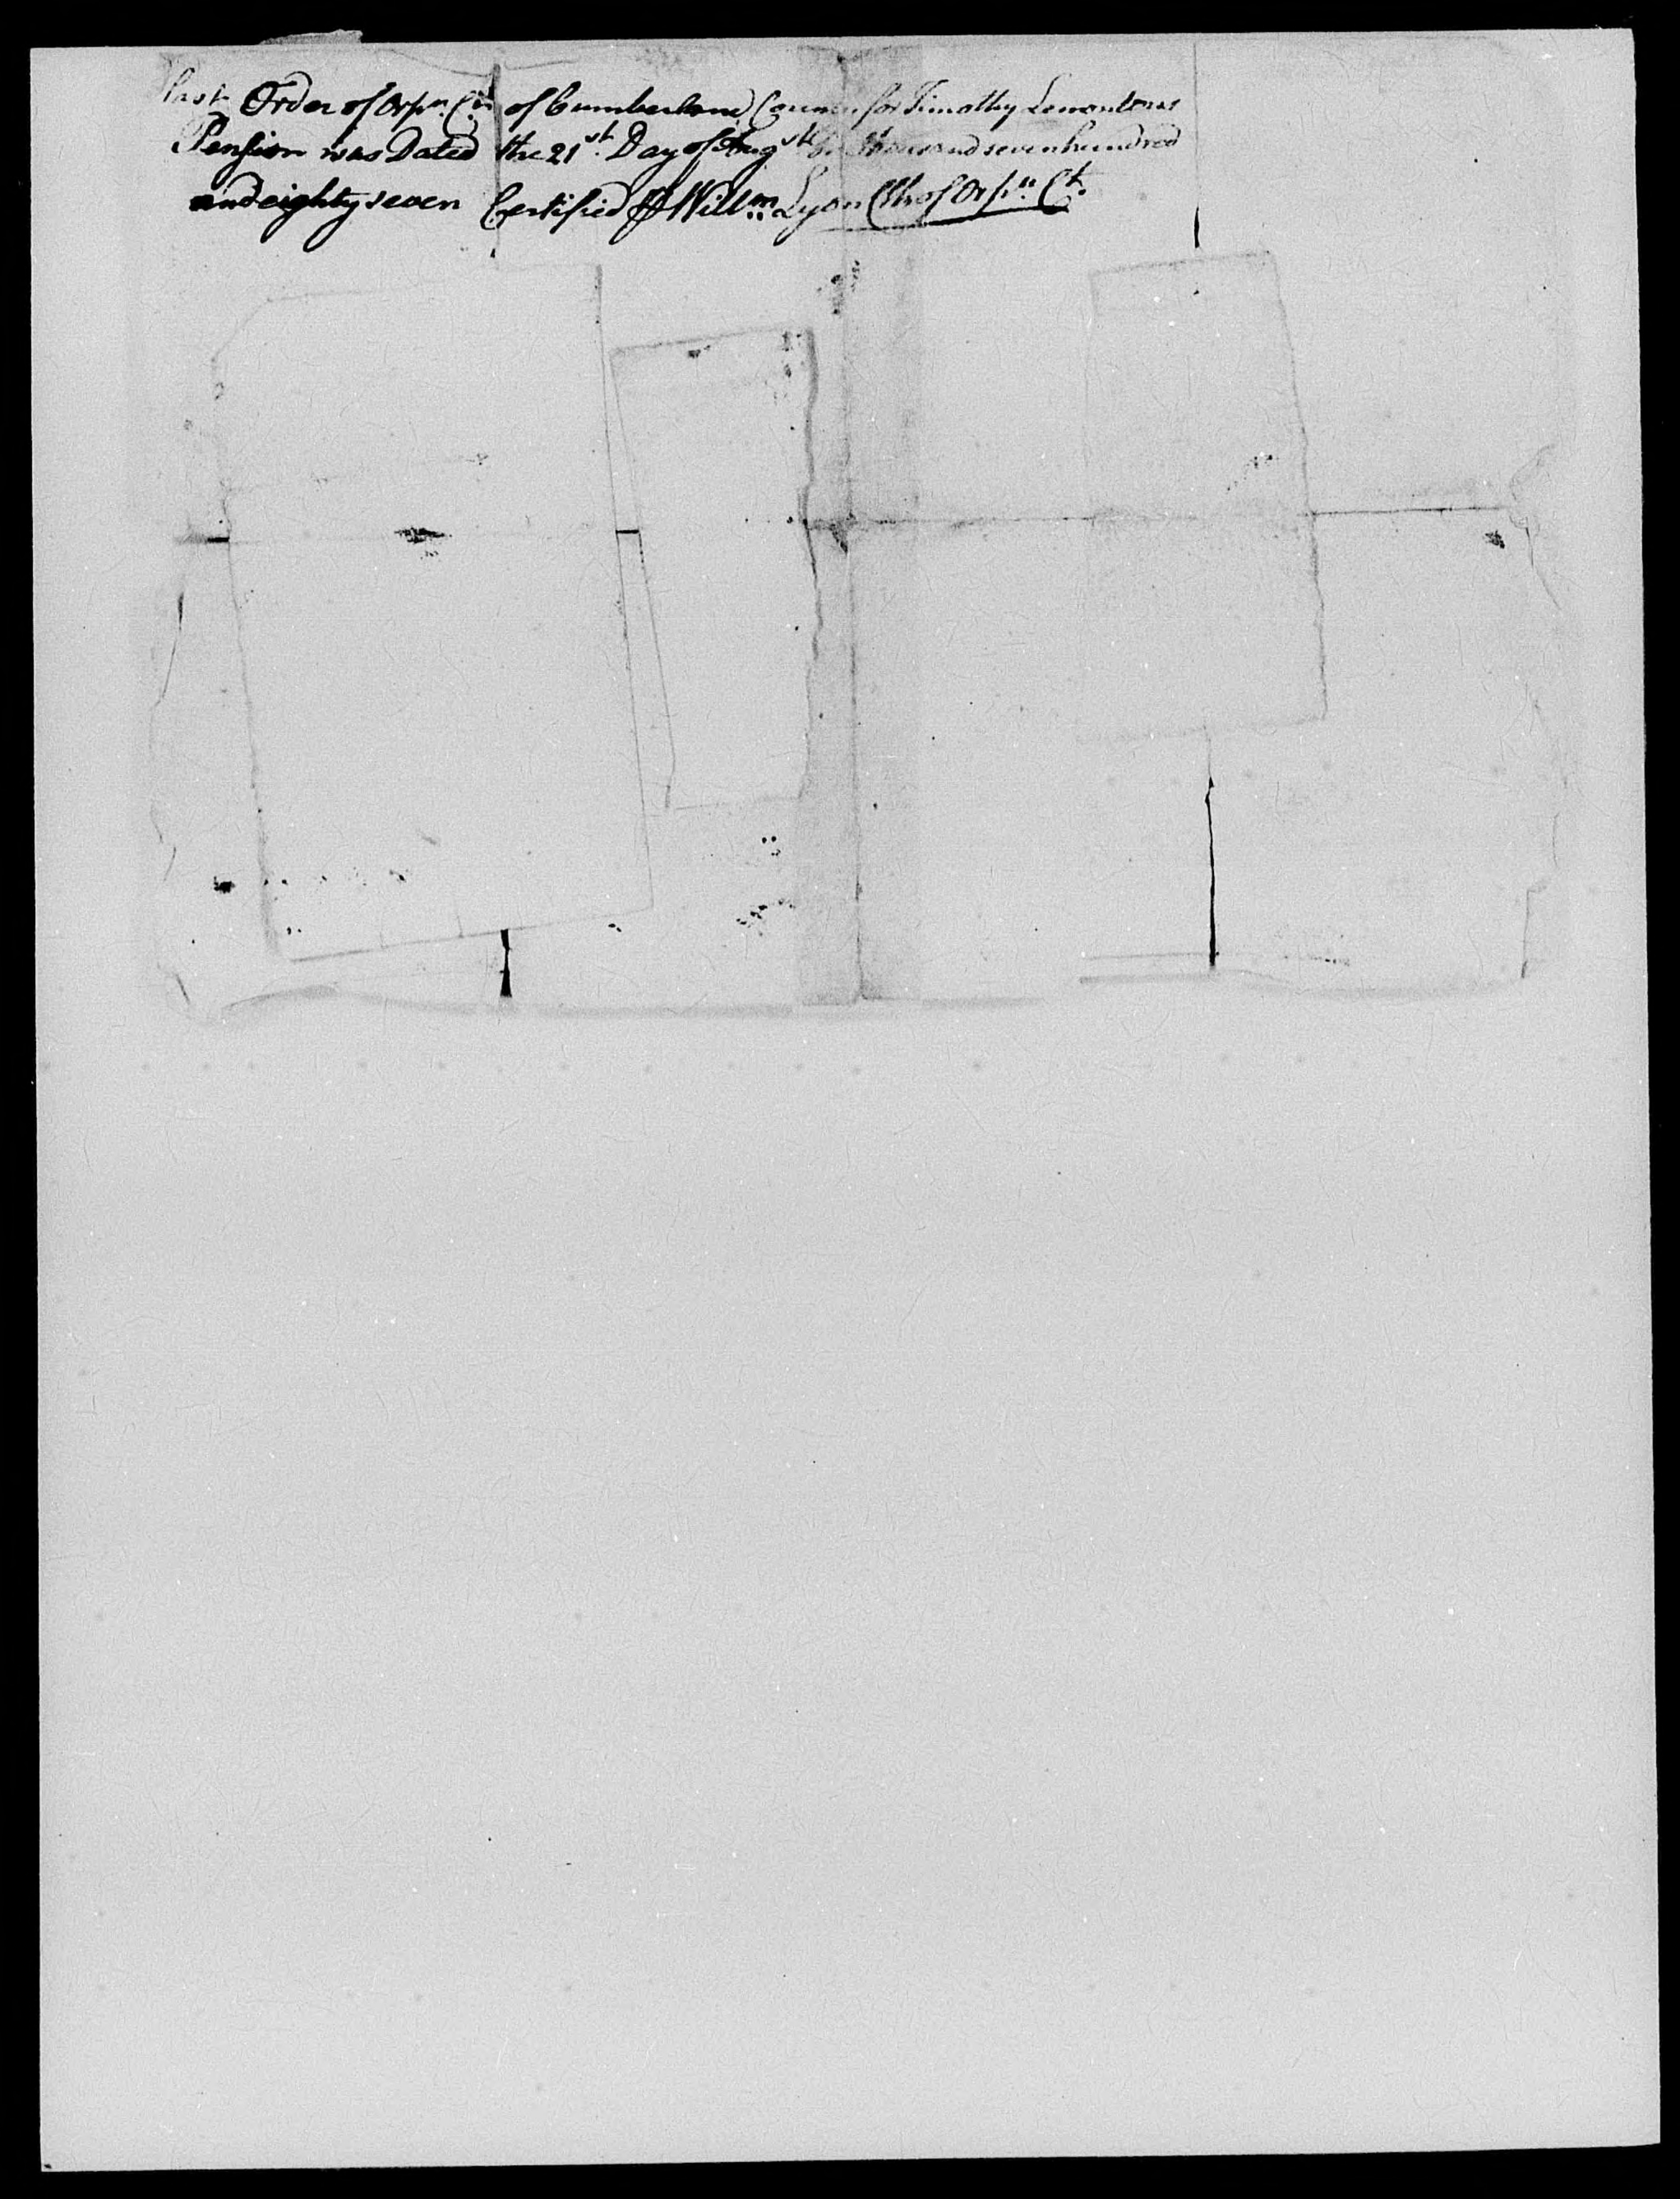Past order of (open Court) of Cumberland County for Timothy Lennonton's pension was dated the 21st day of Aug. A.D. one thousand seven hundred and eighty seven.
                              Certified Willam Lyon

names: Willm Lyon; Timothy Lenontons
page: 14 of 14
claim: survivor's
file: S. 9749, for Timothy Lennonton, Pennsylvania